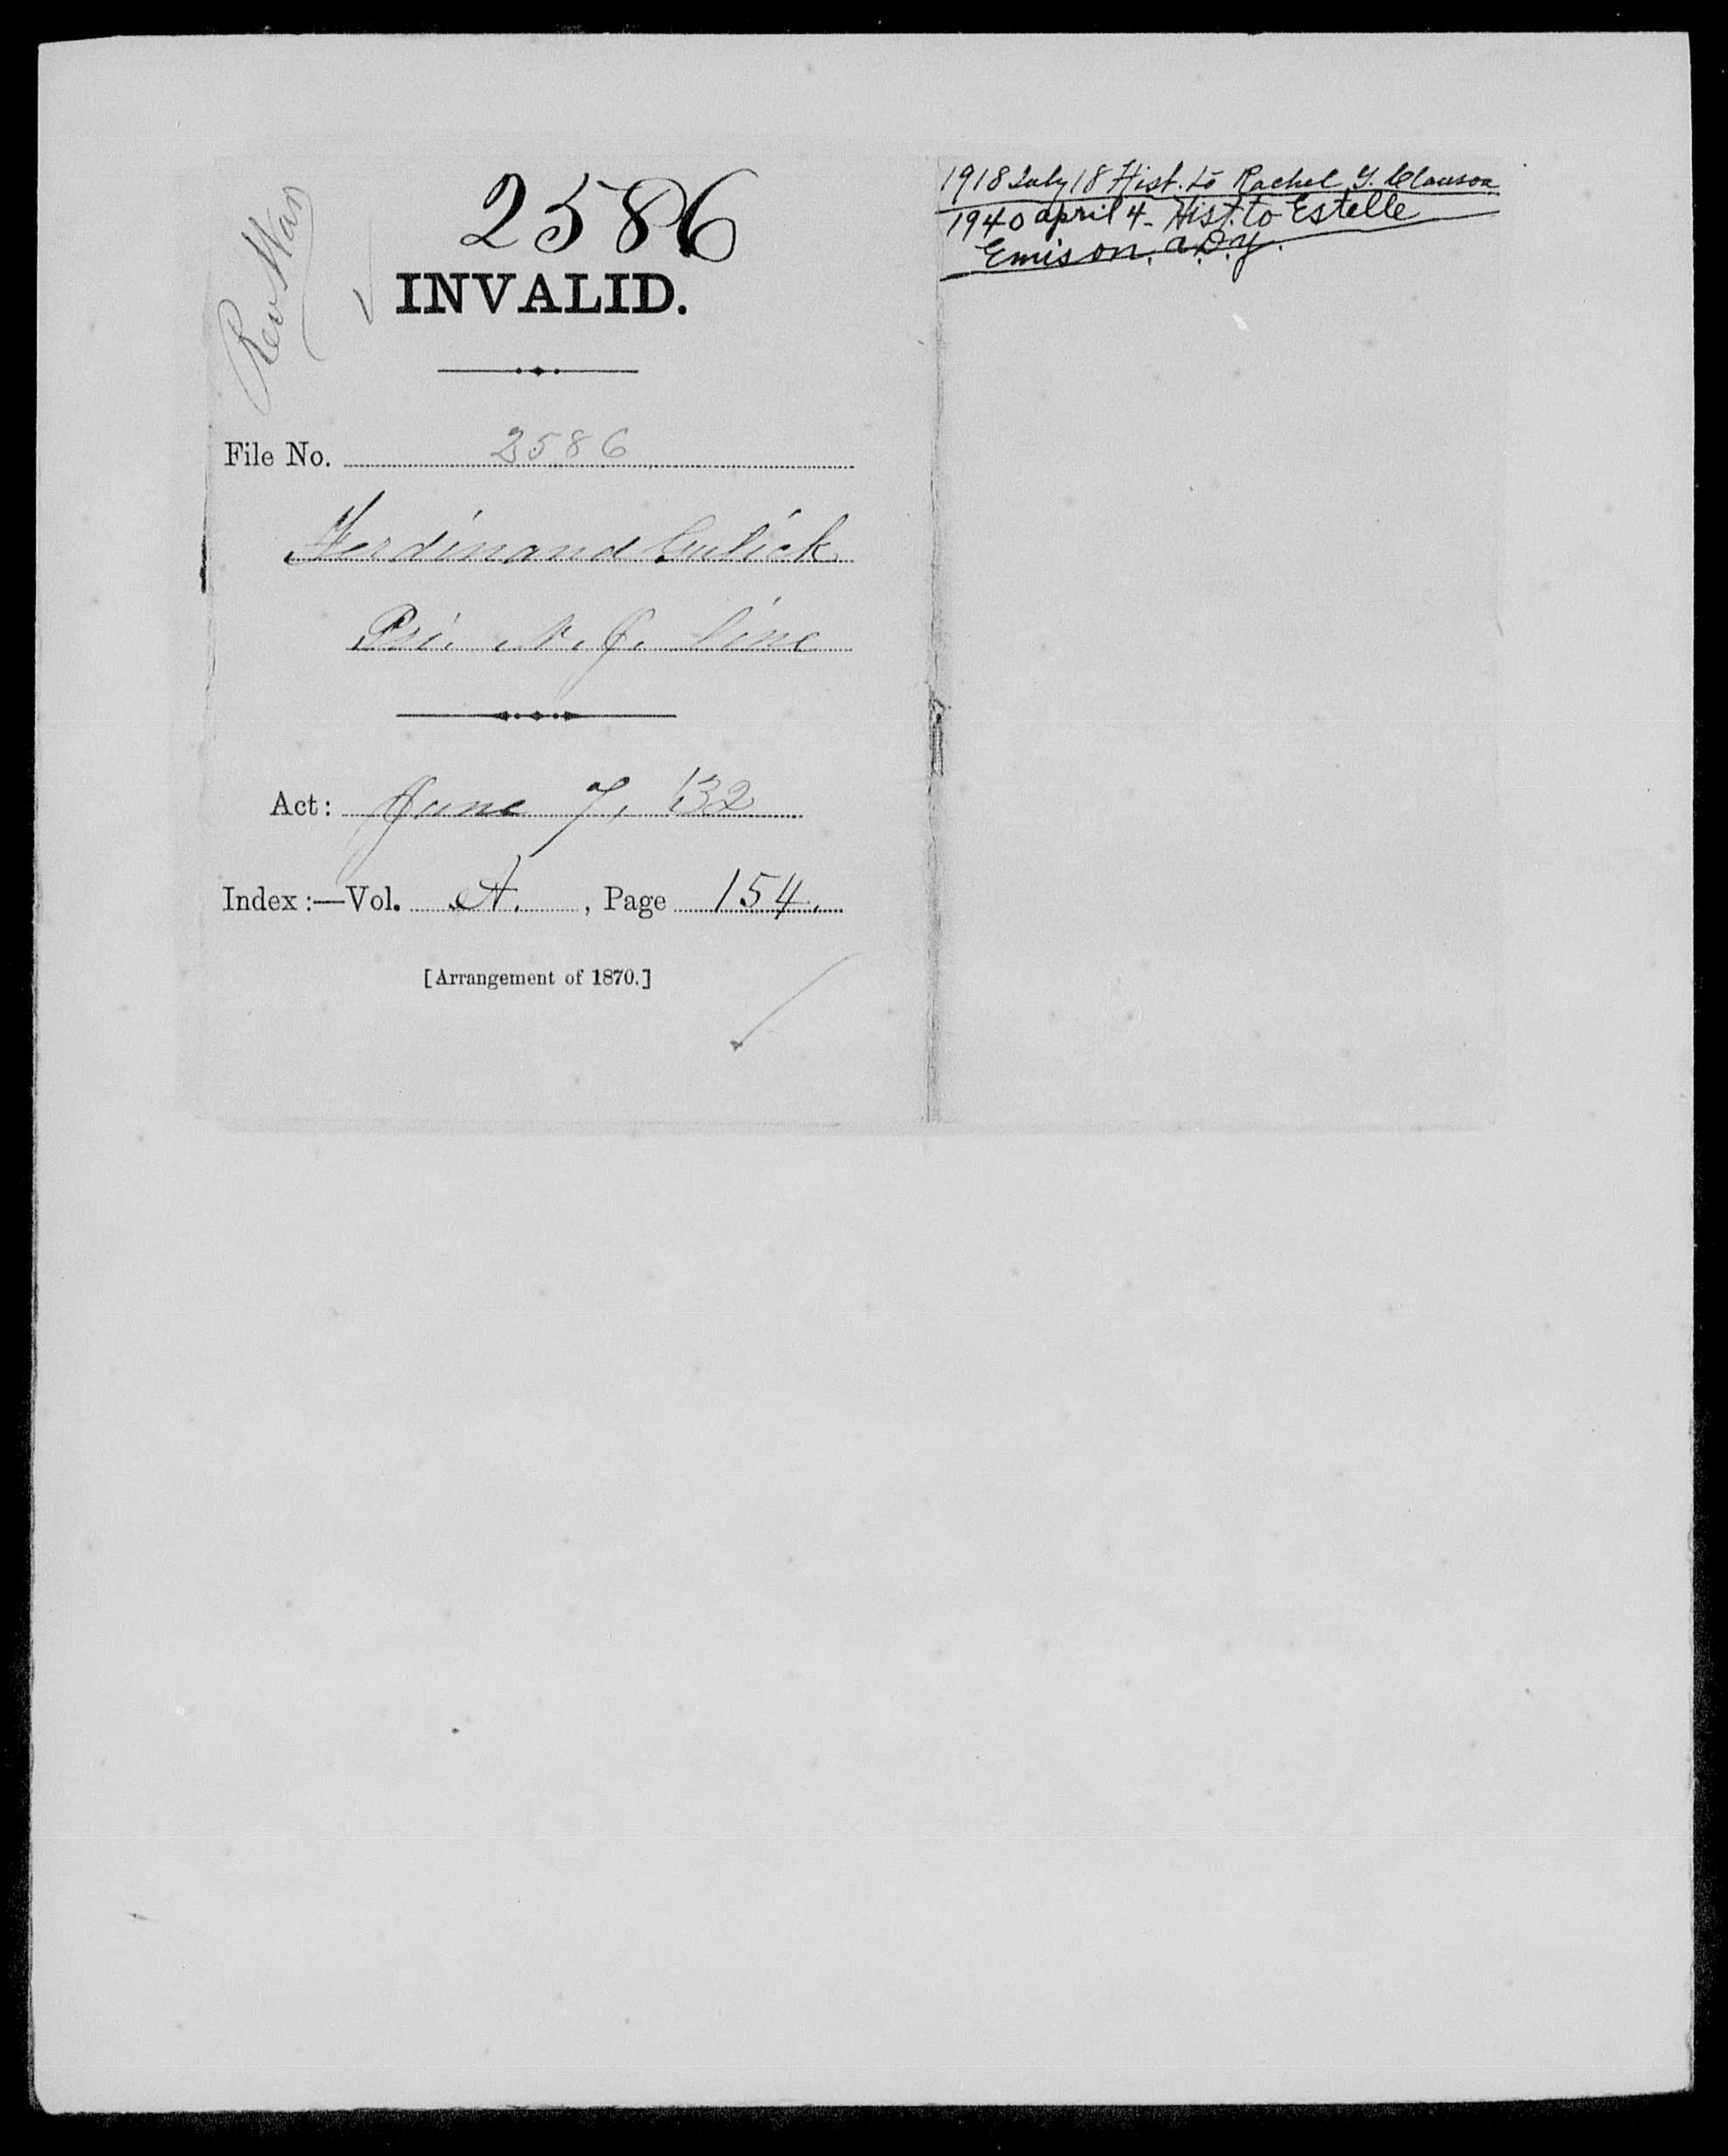Rev War

2586
INVALID.
___

File No. 2586
Ferdinand Gulick
Pvt N.J. Line
___
Act: June 7, '32
Index: --Vol. A, Page 154
[Arrangement of 1870]

1918 Jul 18 His to Rachel Y Clauson
___
1940 Apr 4 Hist to Estelle Emison, A.D.Y.
___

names: Rachel G Clauson, Estelle Emison, Ferdinand Gulick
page: 21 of 21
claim: survivor's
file: S. 2586, Ferdinand Gulick, New Jersey Va.